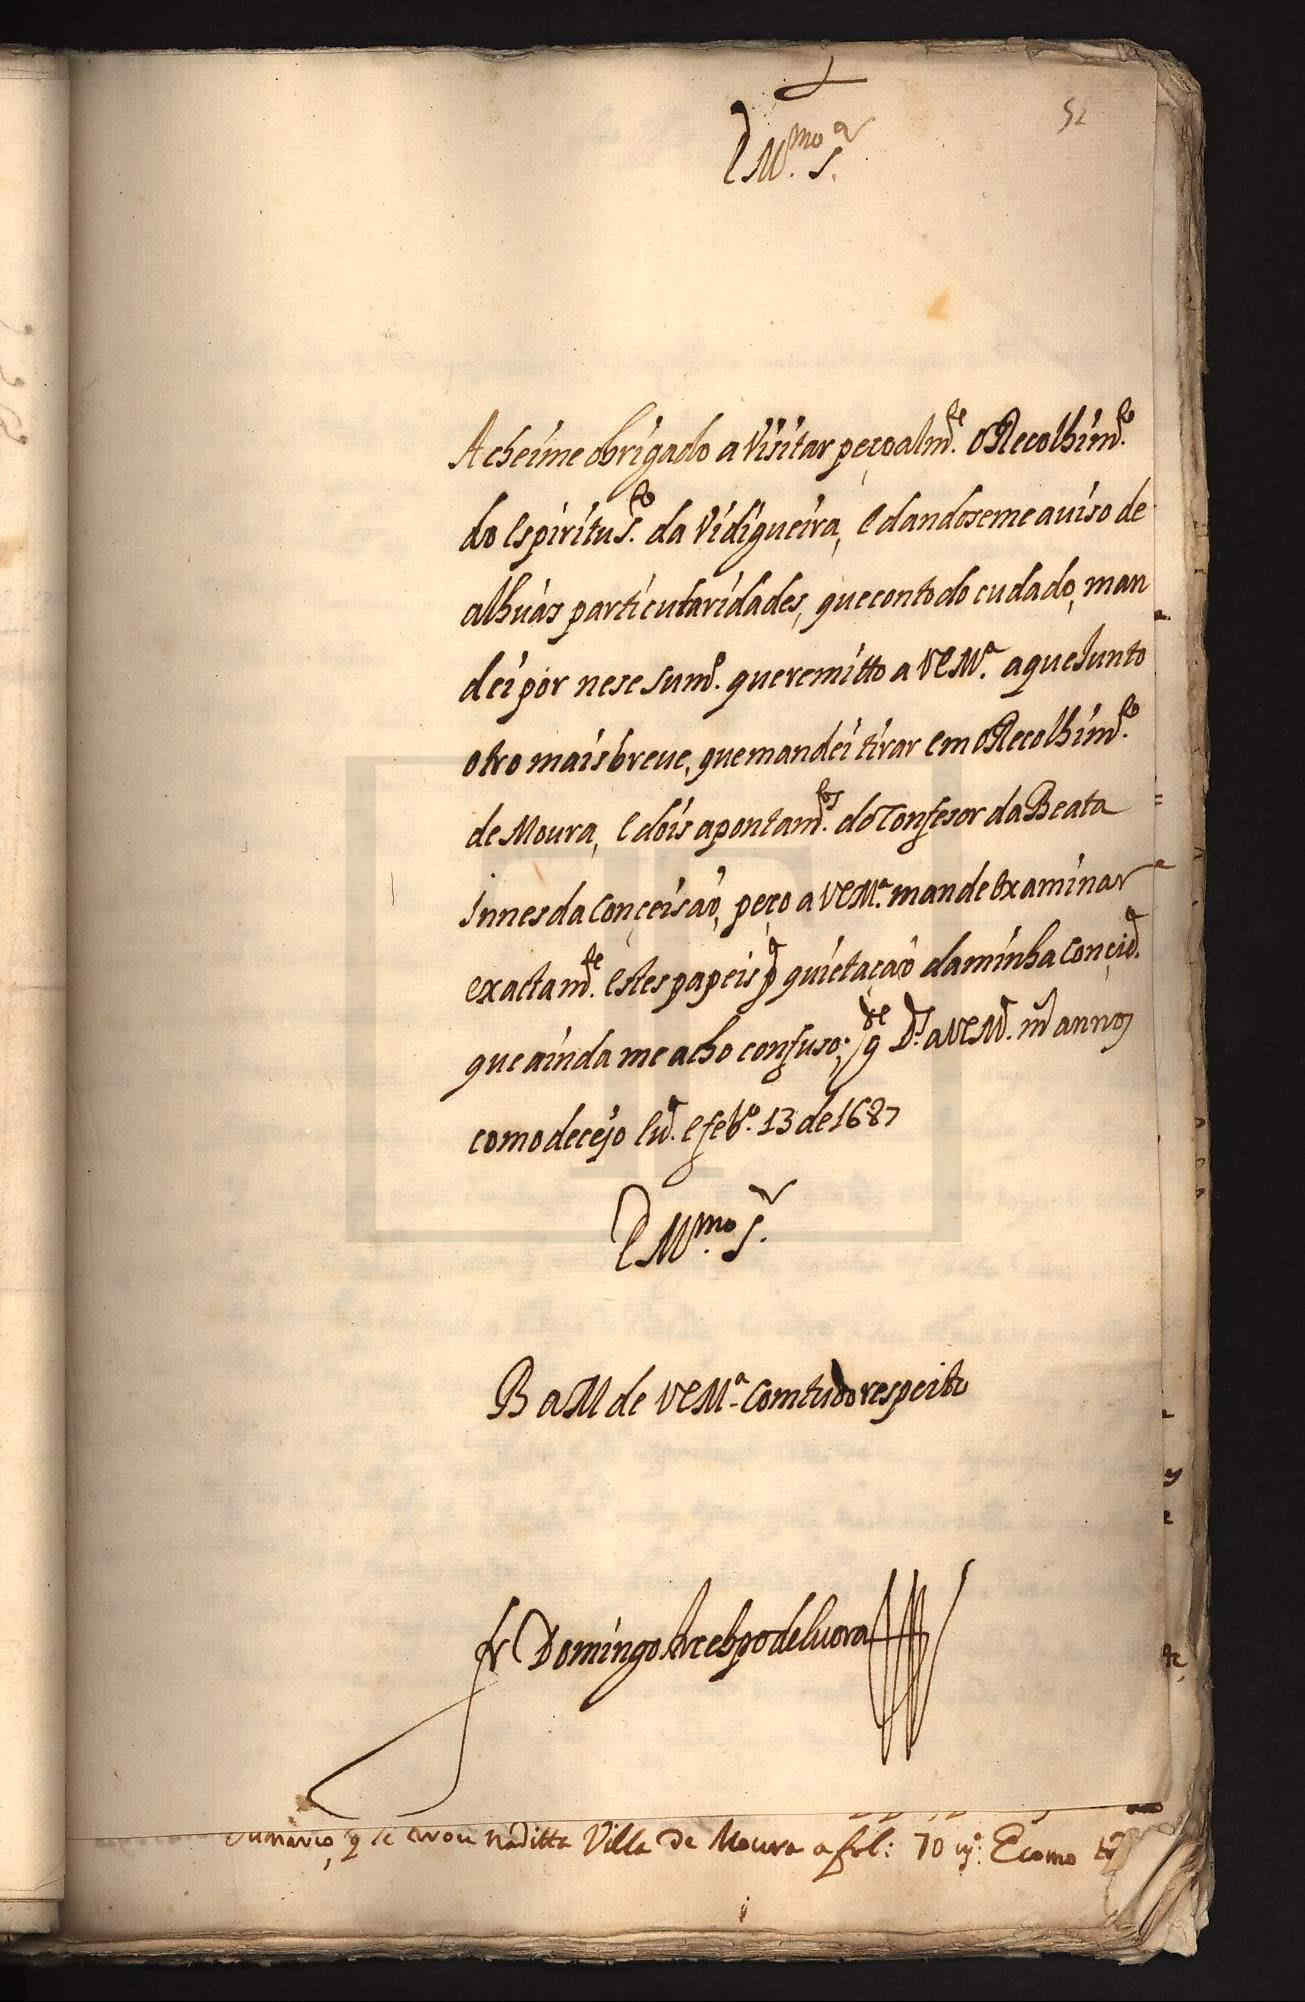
52
EM.mo S.or
Acheime obrigado a Visitar peçoalm.te o Recolhim.to
do espiritu s.to da Vidigueira, e dandoseme auiso de
alhuās particularidades, que con todo cudado, man
dei por nese sum.o que remitto a V EM.a a que Iunto
otro mais breue, que mandei tirar em o Recolhim.to
de Moura, e dois apontam.tos do Confesor da Beata
Innes da Conceisaõ, peço a V EM.a mande examinar
exactam.te estes papeis pa quietaçaõ da minha Concie.a
que ainda me acho confuso; gde D.s a V EM.a m̄ annos
como decejo Eu.a e feb.o 13 de 1687
EM.mo S.or
B a M de V EM.a com tudo respeito
fr. Domingo Arcebpo de Euora
